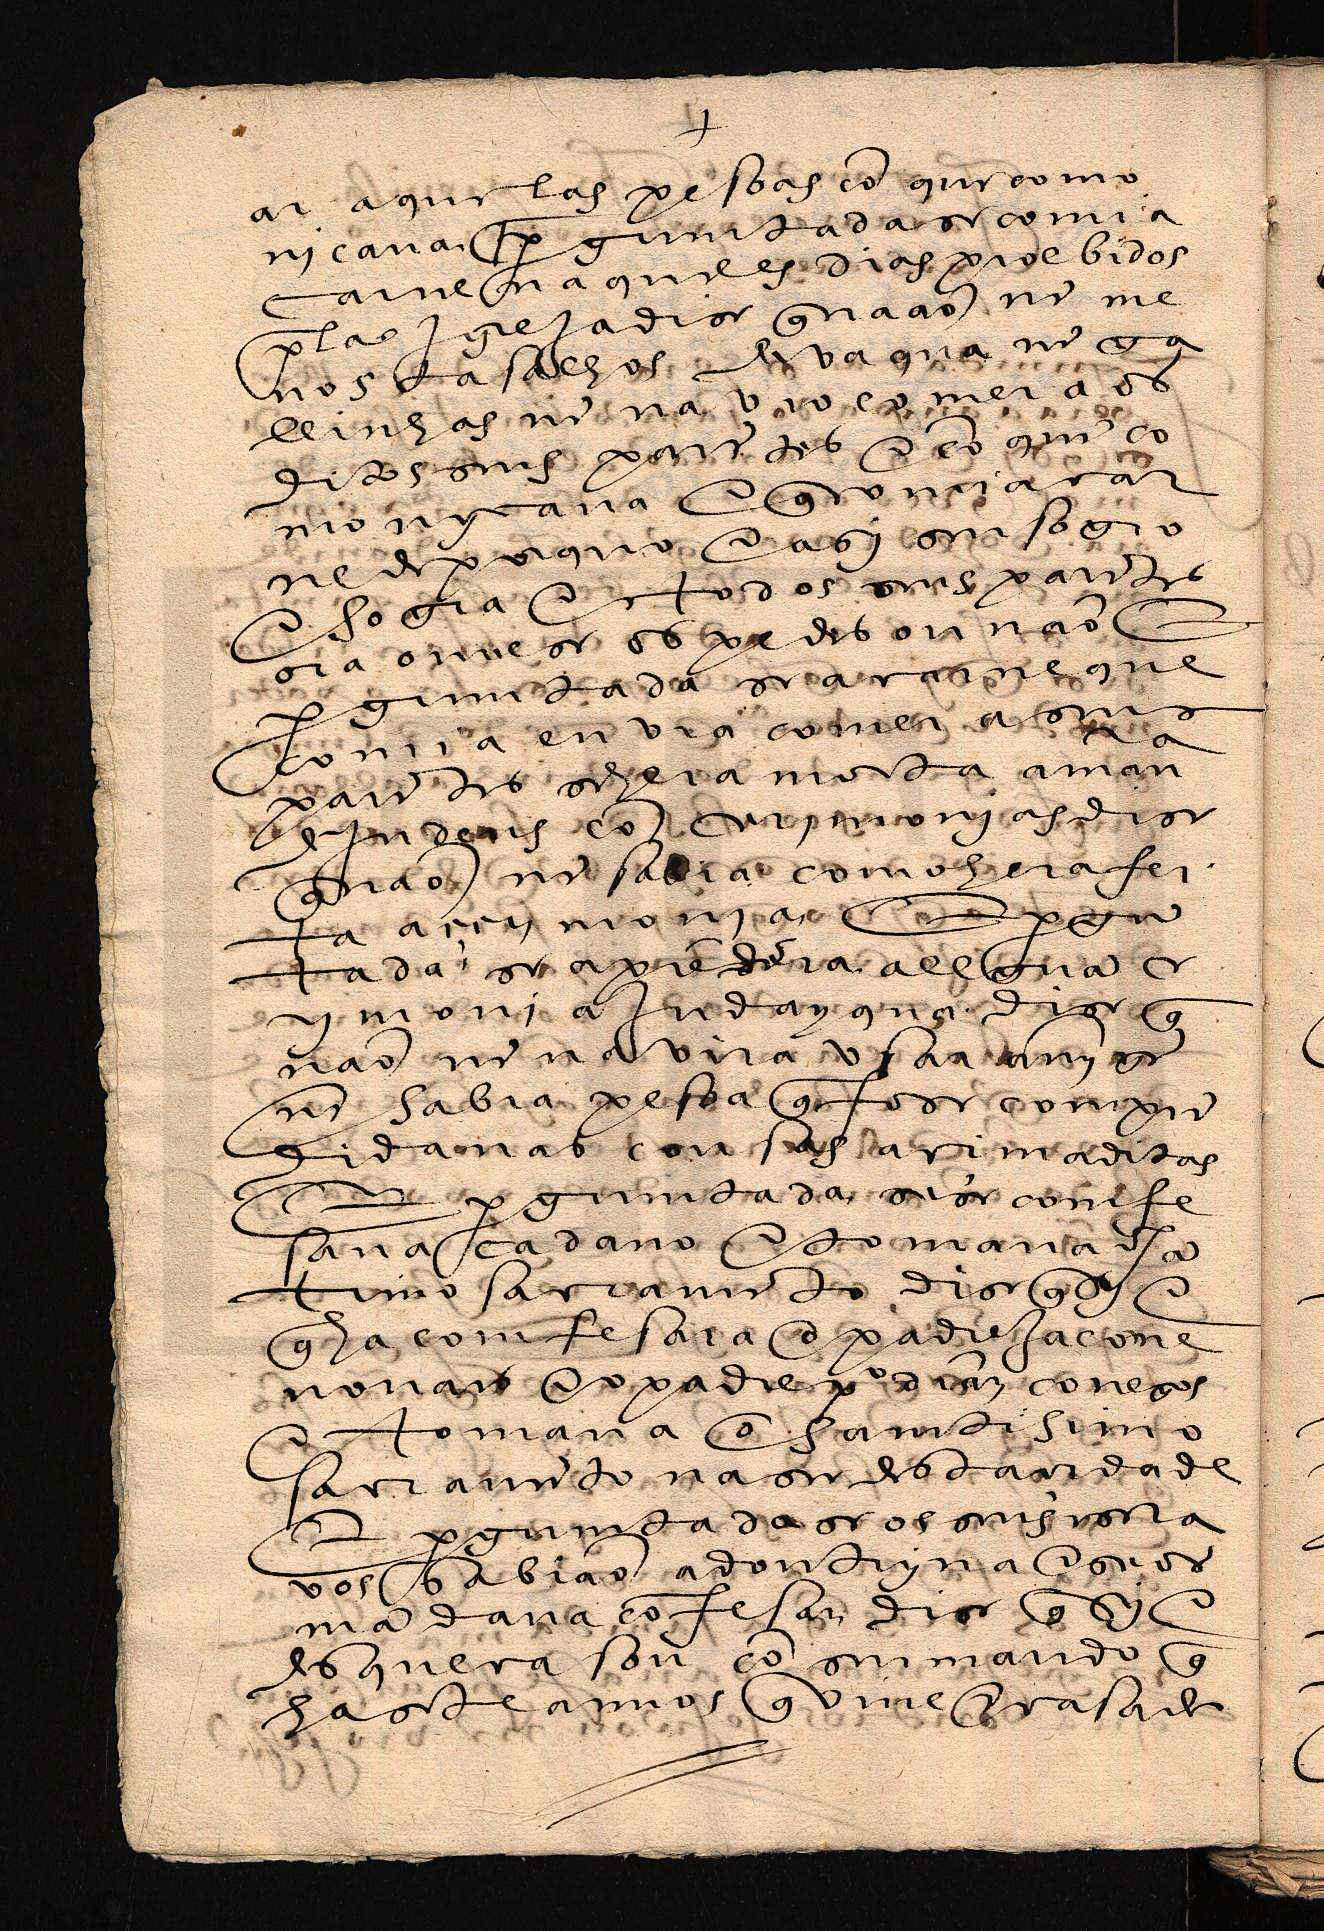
ar aquelas pesoas cō que como
njcaua / ꝑgumtada se comia
carne naqueles dias proebidos
p̄la JgreJa dise q̄ naaõ nē me
nos tasalhos de vaqua nē ga
llinhas nē na vio comer aos
ditos seus parētes e c̄o quē co
monycaua e q̄ comia car
ne de porquo e asy seu sogro
e sogra e todos seus parētes
ora ouuese ospedes ou naõ E
ꝑgumtada se a carne que
comia eu via comer a seus
parētes se hera morta a manra
de Judeus cō cerjmonjas dise
q̄ naõ nē sabia como hera fei
ta a çerimonja E ꝑgū
tada se aprēdera allguā ce
rjmonia Judayqua dise q̄
naõ nē na vira vsar a n̄ygē
nē sabia pesoa q̄ fose comprē
dida nas cousas açima ditas
E ꝑgumtada se se comfe
saua cadano e tomaua o sā
timo sacramēto dise q̄ sy e
q̄ ha comfesara o padre Jacome
nouaes e o padre po diaz conegos
e tomaua o samtisimo
sacramēto na see desta çidade
E ꝑgumtada se os seus escra
vos sabiaõ a doutryna e se os
mādaua c̄ofesar dise q̄ sy e
des que casou cō seu marido q̄
ha sete annos q̄ viue ē casa de
